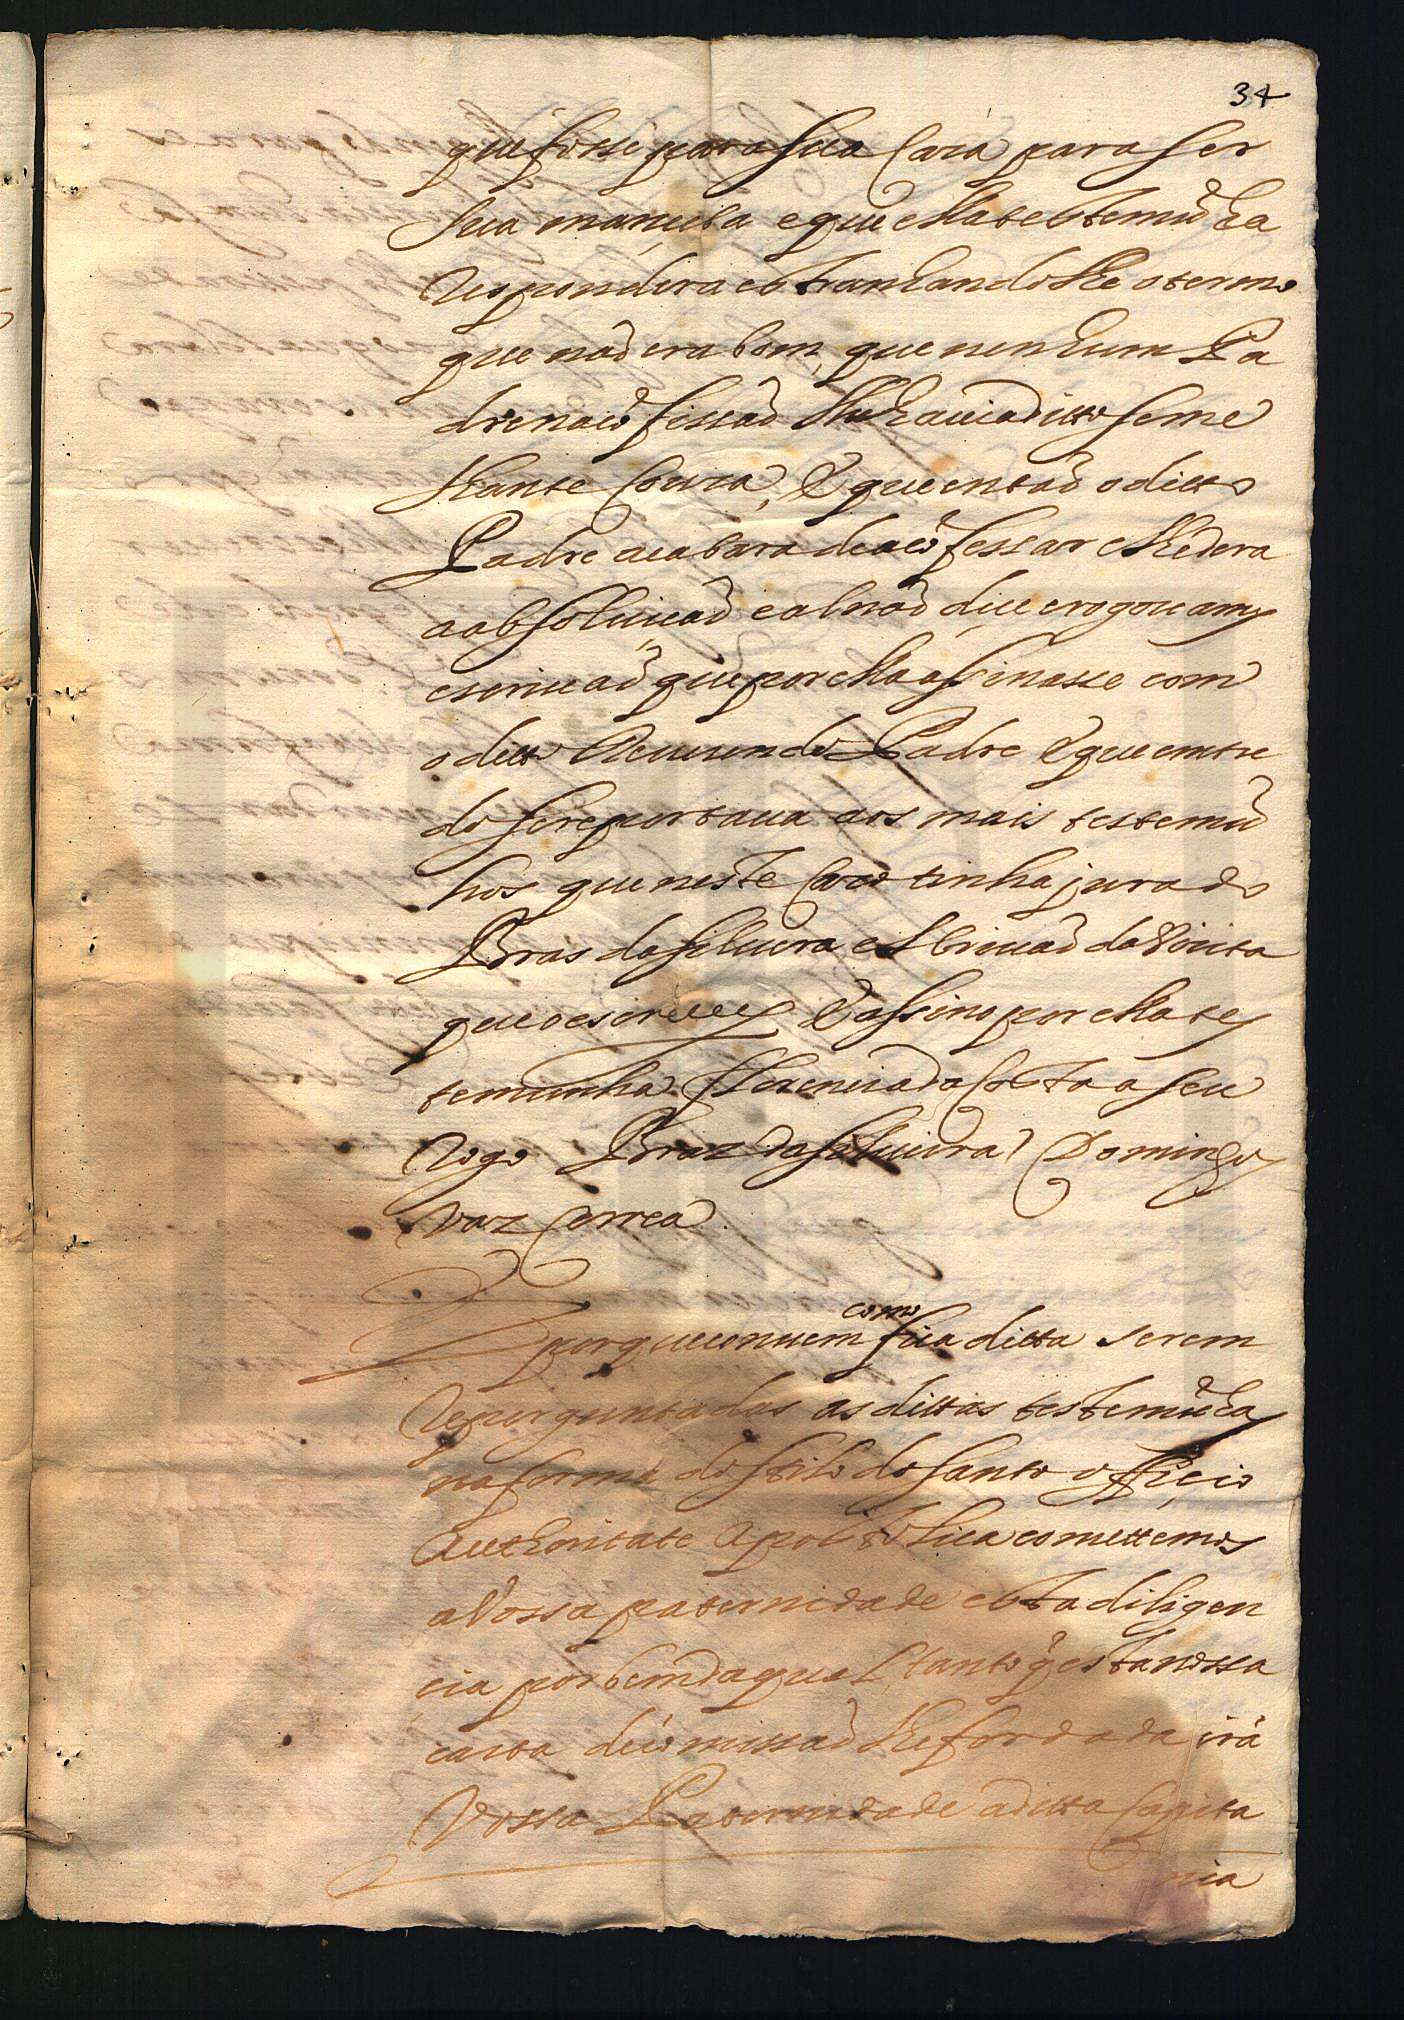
que fosse para sua Caza para ser
sua manceba e que ella testemūha
Respondera estranhandolhe o termo
que naõ era bom, que nenhum Pa
dre na cōfissão lhe hauia ditto seme
lhante Couza, E que entaõ o ditto
Padre acabara de a cōfessar e lhe dera
a absoluiçaõ, e al naõ dice, e rogou a my
escriuaõ que por ella assinasse com
o ditto Reuerendo Padre E que em tu
do se reportaua aos mais testemū
hos que neste Cazo tinha jurado
Bras da Silueira escriuaõ da Vizita
que o escreuy E assino por ella tes
temunha florencia da Costa a seu
Rogo Braz da Silueira Domingos
Vaz Correa
E porque conuem
como
fica ditta serem
Reperguntadas as dittas testemūhas
na forma do Stilo do santo officio
authoritate apostolica comettemos
a Vossa paternidade esta diligen
cia por bem da qual, tanto q̄ esta nossa
carta de cōmissaõ lhe for dada irá
Vossa Paternidade a ditta Capita
nia
